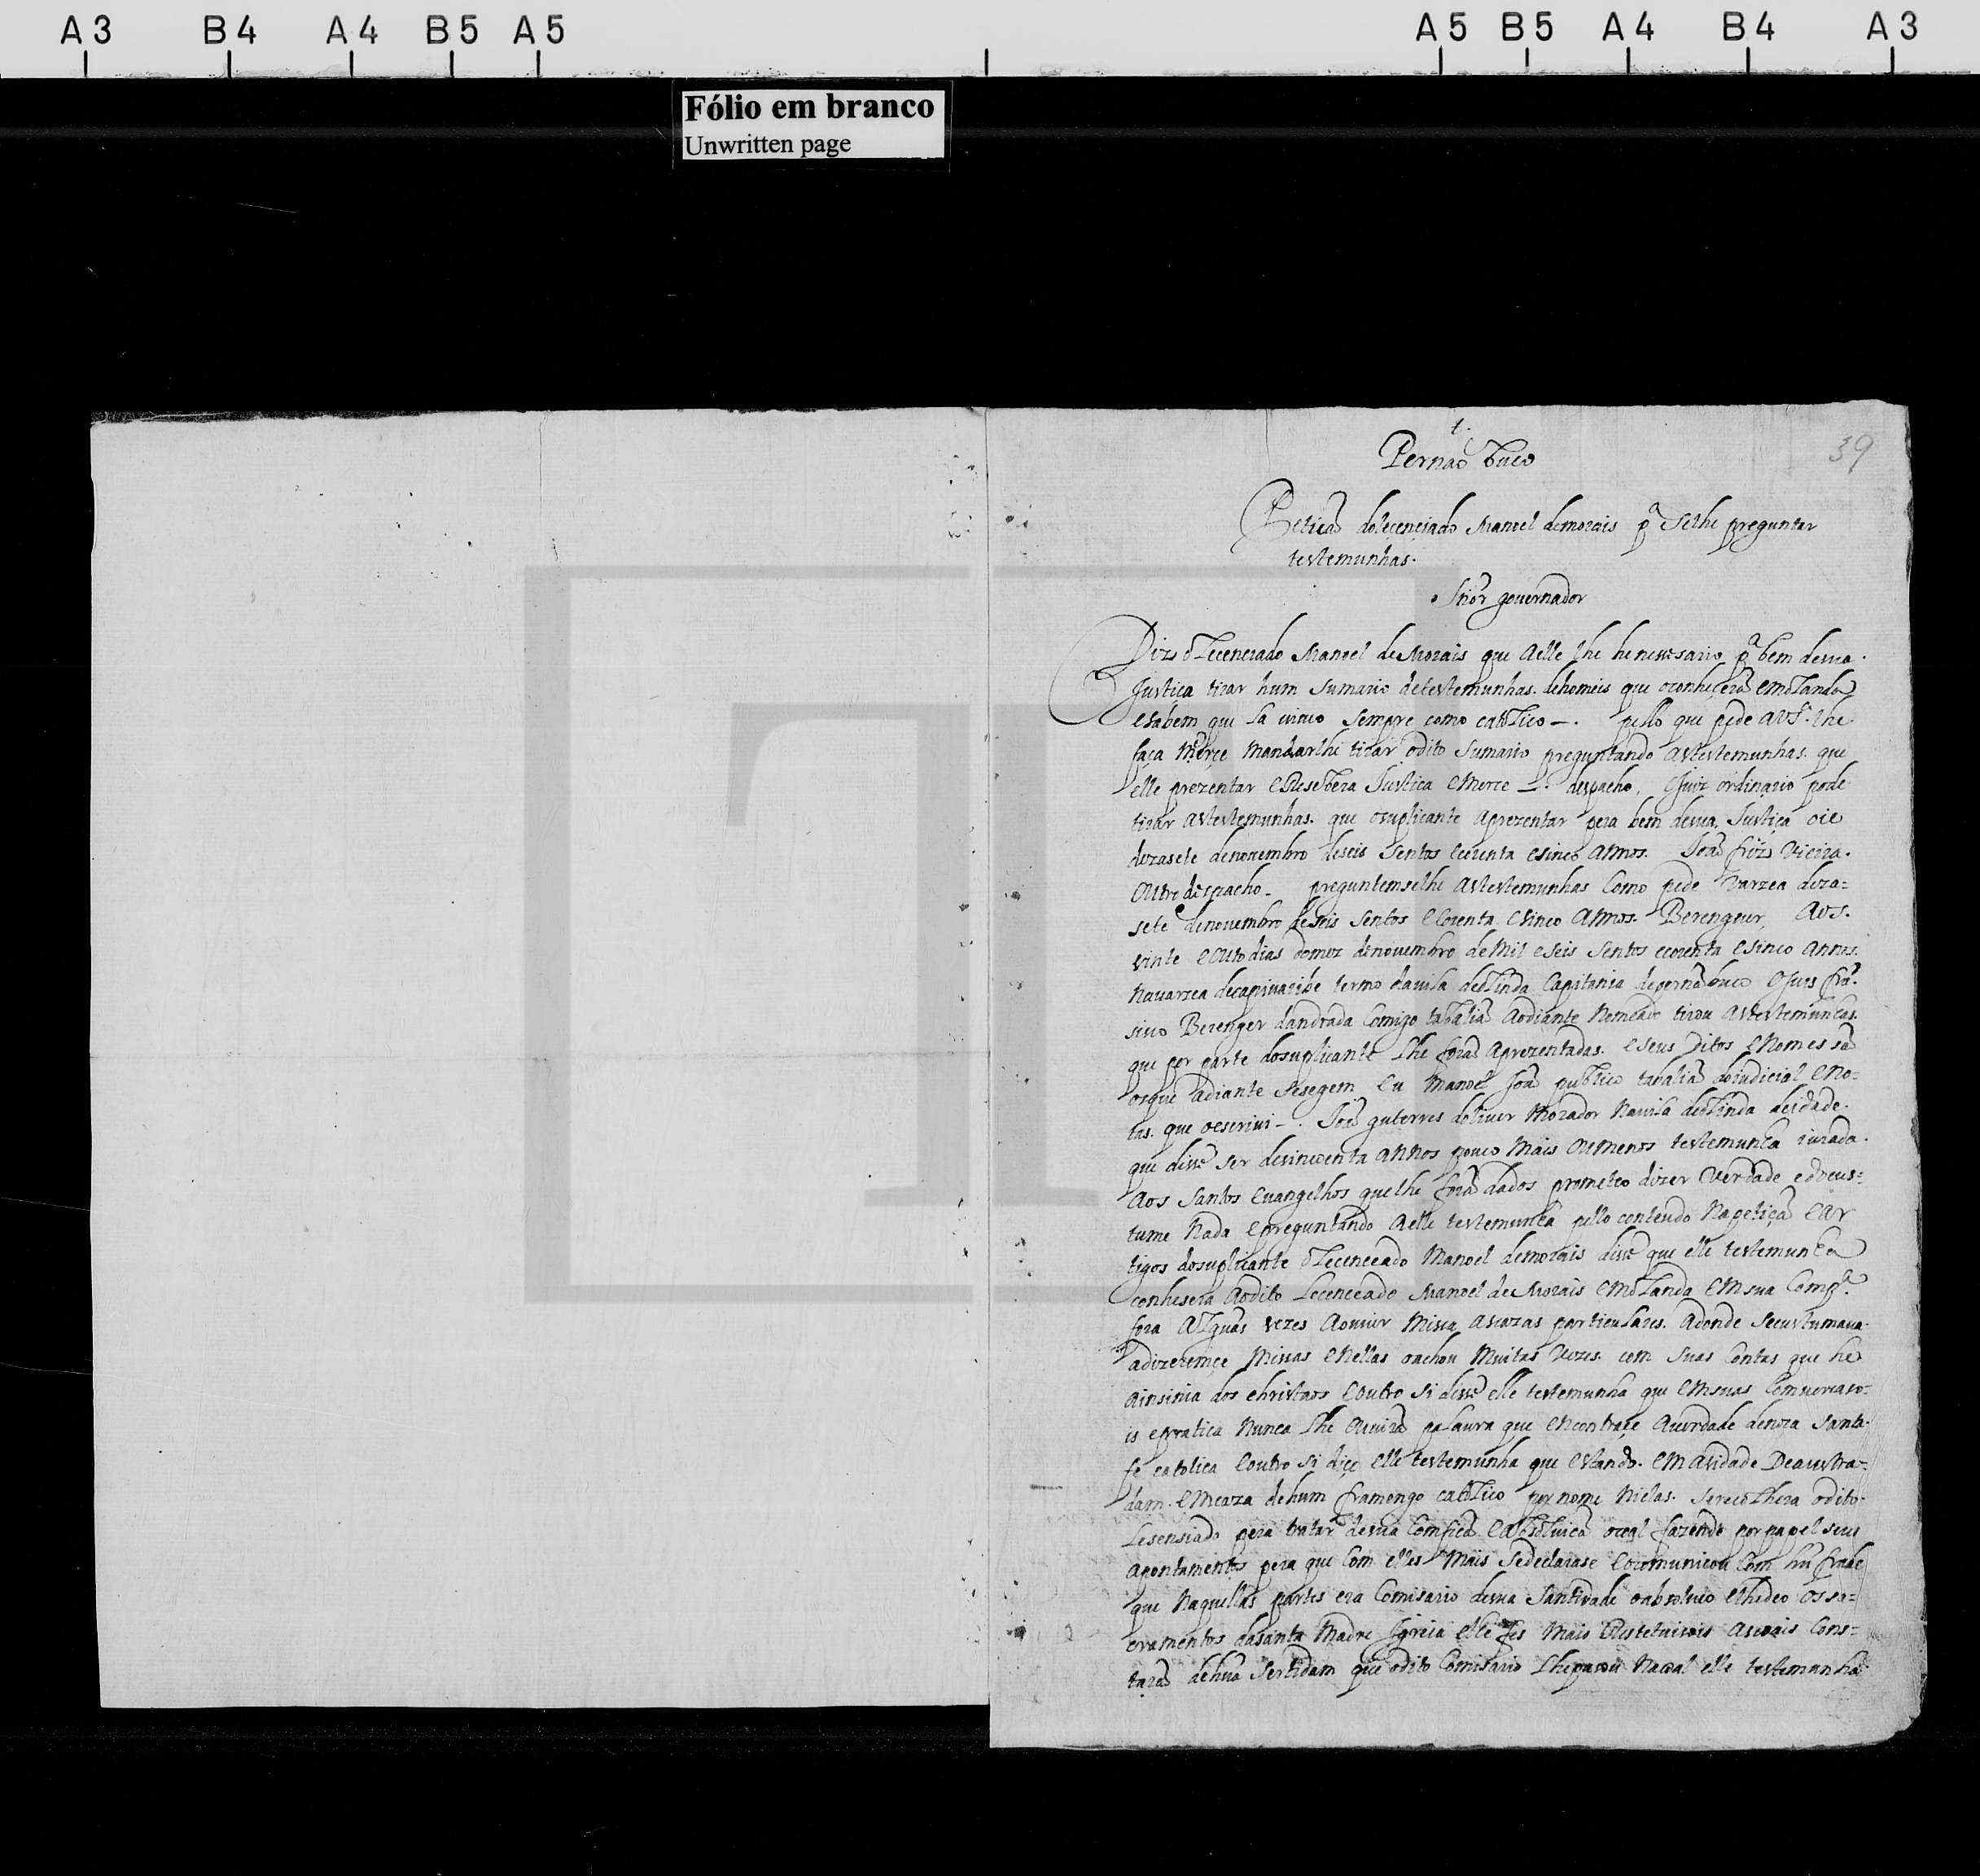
Pernaõbuco
Petiçaõ de lecenciado Manoel de morais pa se lhe preguntar
testemunhas.
Snor̄ gouernador
Diz o Lecenciado Manoel de Morais que a elle lhe he nessesario pa bem de sua
Justiça tirar hum Sumario de testemunhas de homeis que o conheceraõ em olanda
e sabem que la uiueo Sempre como catolico -. pello que pede a V S.a lhe
faça merce mandarlhe tirar o dito Sumario preguntando as testemunhas que
elle prezentar e Resebera Justiça e merce -. despacho o Juiz ordinario pode
tirar as testemunhas que o suplicante aprezentar pera bem de sua Iustiça oie
dezasete de nouembro de seissentos e corenta e sinco annos. Joaõ frz̄ vieira
outro despacho. preguntemselhe as testemunhas Como pede varzea deza
sete de nouembro de seissentos e corenta e sinco annos. Berenguer, aos.
vinte e outo dias do mez de nouembro de mil e seissentos e corenta e sinco annos
na uarzea de capiuaribe termo da uila de olinda capitania de pernābuco o Juis frā
sisco Berenger dandrada Comigo tabaliaõ ao diante nomeado tirou as testemunhas
que por parte do suplicante lhe foraõ aprezentadas. e seus ditos e nomes saõ
os que adiante se segem eu manoel Joaõ publico tabaliaõ do iudicial e no
tas que o escriui = Joaõ guterres doliuer morador na uila de olinda de idade
que disse ser de sincoenta annos pouco mais ou menos testemunha iurada
aos Santos Euangelhos que lhe foraõ dados prometeo dizer verdade e do cus
tume nada e preguntando a elle testemunha pello conteudo na petiçaõ e ar
tigos do suplicante o Lecenceado Manoel de morais disse que elle testemunha
conhesera ao dito Lecenceado Manoel de Morais em olanda em sua Comp.a
fora alguās vezes a ouuir missa as cazas particulares adonde se custumaua
a dizeremce missas e nellas o achou muitas vezes com suas Contas que he
a insinia dos christaos E outrosi disse elle testemunha que em suas comuersaso
is e pratica nunca lhe ouuiraõ palaura que encontrace a uerdade de nosa santa
fe catolica e outro si dice elle testemunha que estando em a sidade De anstra
dam em caza de hum framengo catolico por nome niclas se recolhera o dito
lesensiado pera tratar de sua comfiçã e absoluiçã ou q̄ fazendo por papel seus
apontamentos pera que com elles mais se declarase e o communicou com hū frade
que naquellas partes era Comisario de sua Santidade o absolueo e lhe deo os sa
cramentos da santa Madre Jgreia e lhe fes mais Restetuiçois as coais cons
tarã de huã sertidam que o dito Comisario lhe pasou na coal elle testemunha
